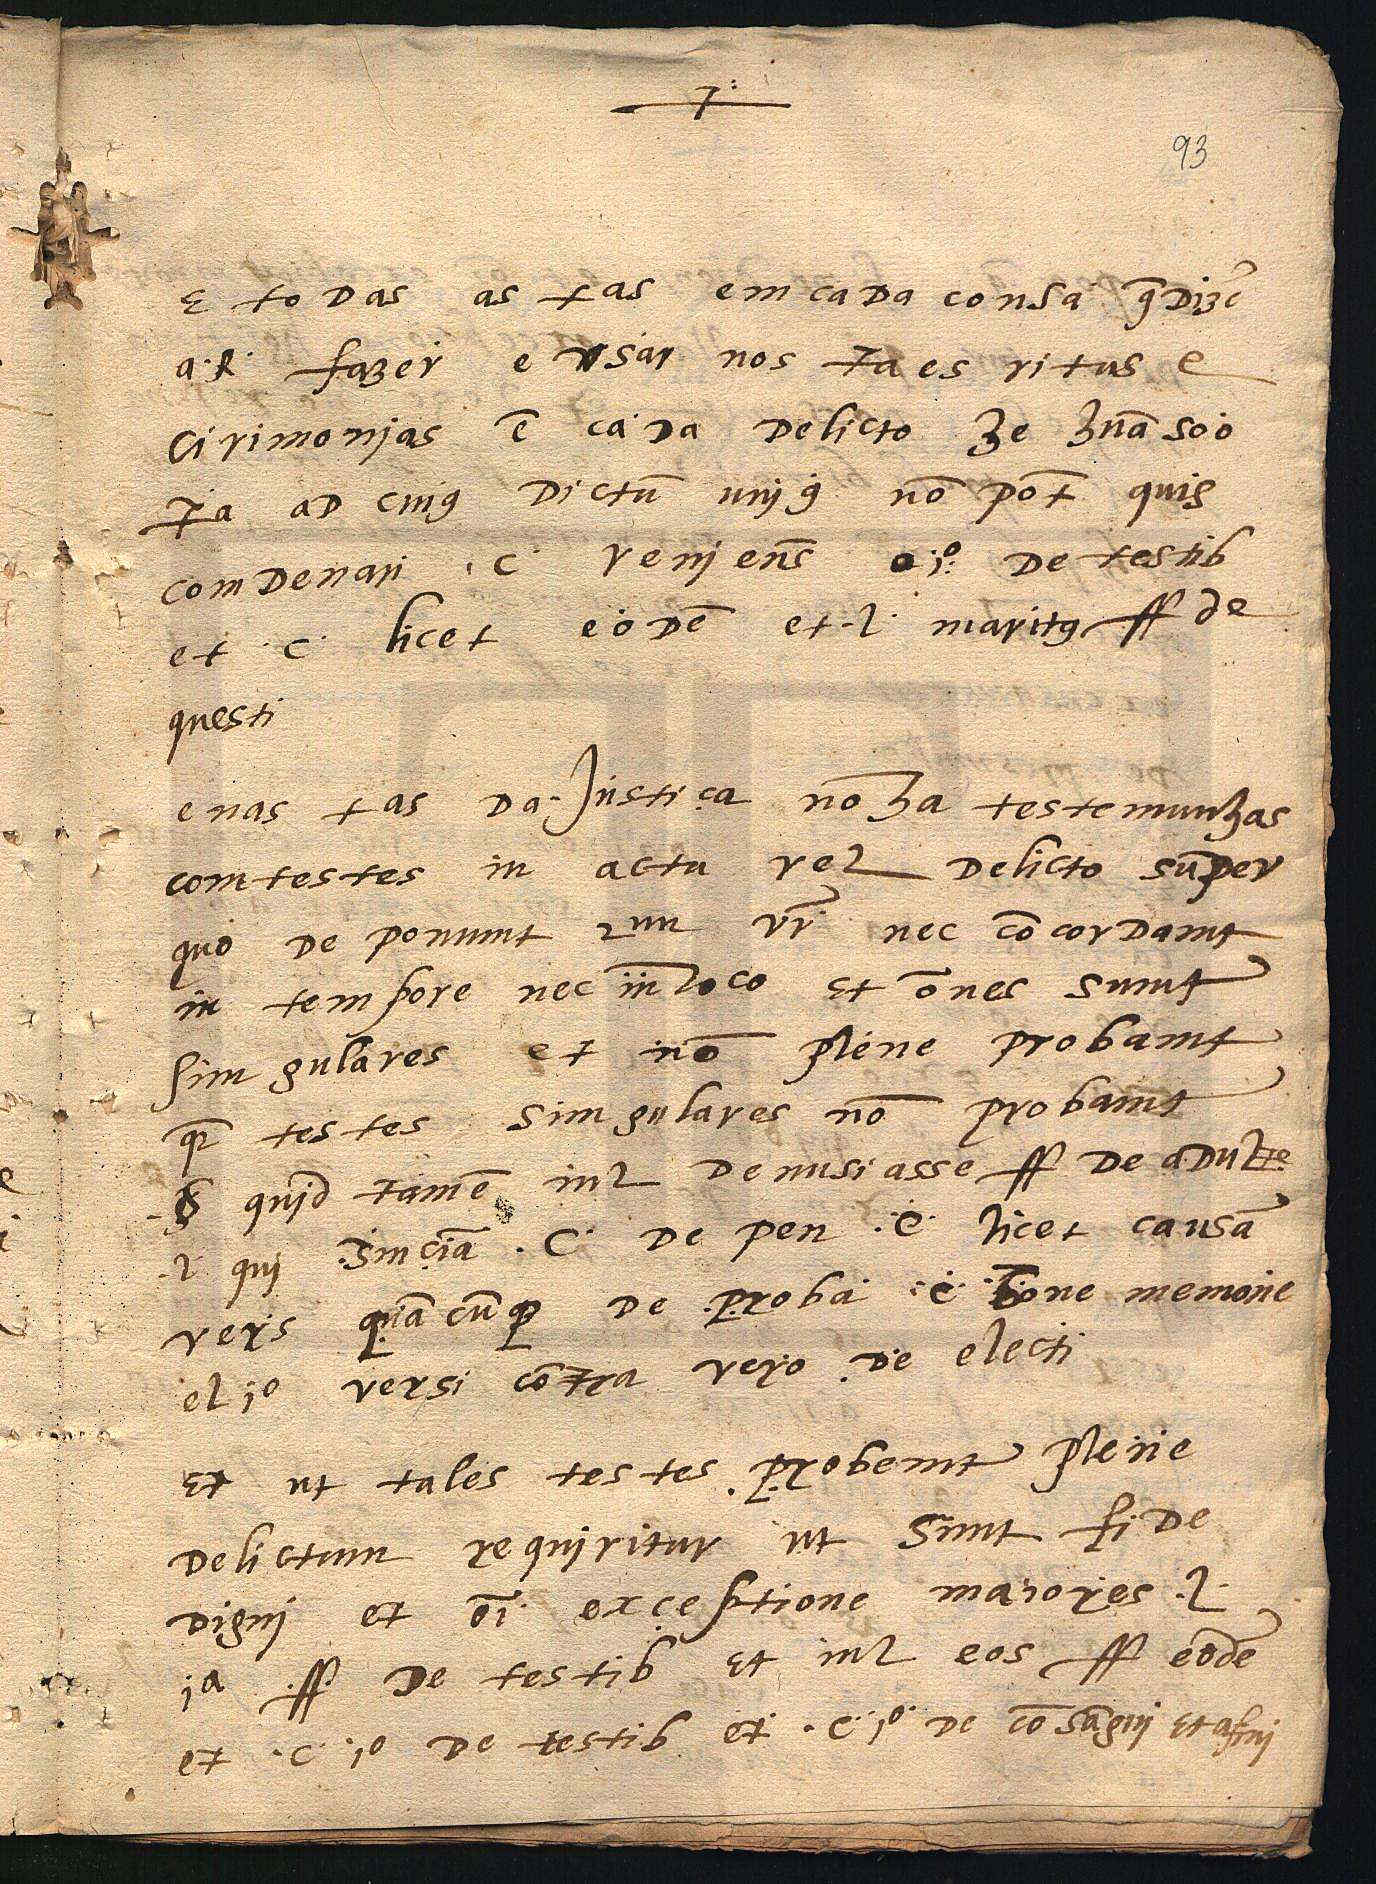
E toDas as tas em caDa cousa q̄ Dizē
a .R. fazer e vsar nos taes tirus e
cirimonjas ē caDa Delicto he huā soo
ta aD cuiꝯ Dictū unjꝯ n̄o pōt quis
comDenari .c. venjen̄s o io De testib
et .c. licet eoDē et .l. maritꝯ ff de
questi
e nas tas Da Justica nō ha testemunhas
comtestes in acta reL Delicto sūper
quo Deponumt 2nu vr̄ nec cō corDamt
in tempore nec in loco Et ōnes sumt
simgulares et nō plene probamt
q̄r testes simgulares nō probamt
§ qujd tamē in L Demisi asse ff De aDuLte
.L. quj smcīa .C. De pen .C. licet causā
veris quā cūqꝫ De proba .c. bone memone
e l io versi cōtra vero De electi
Et ut tales testes probemt plene
Delictum requjritur ut sunt fiDe
Dignj et ōi exceptione maiores .L.
ia .ff. De testib Et in L eos ff eodē
et .c. io De testib et .c. io De cōsāgnj Et afinj
